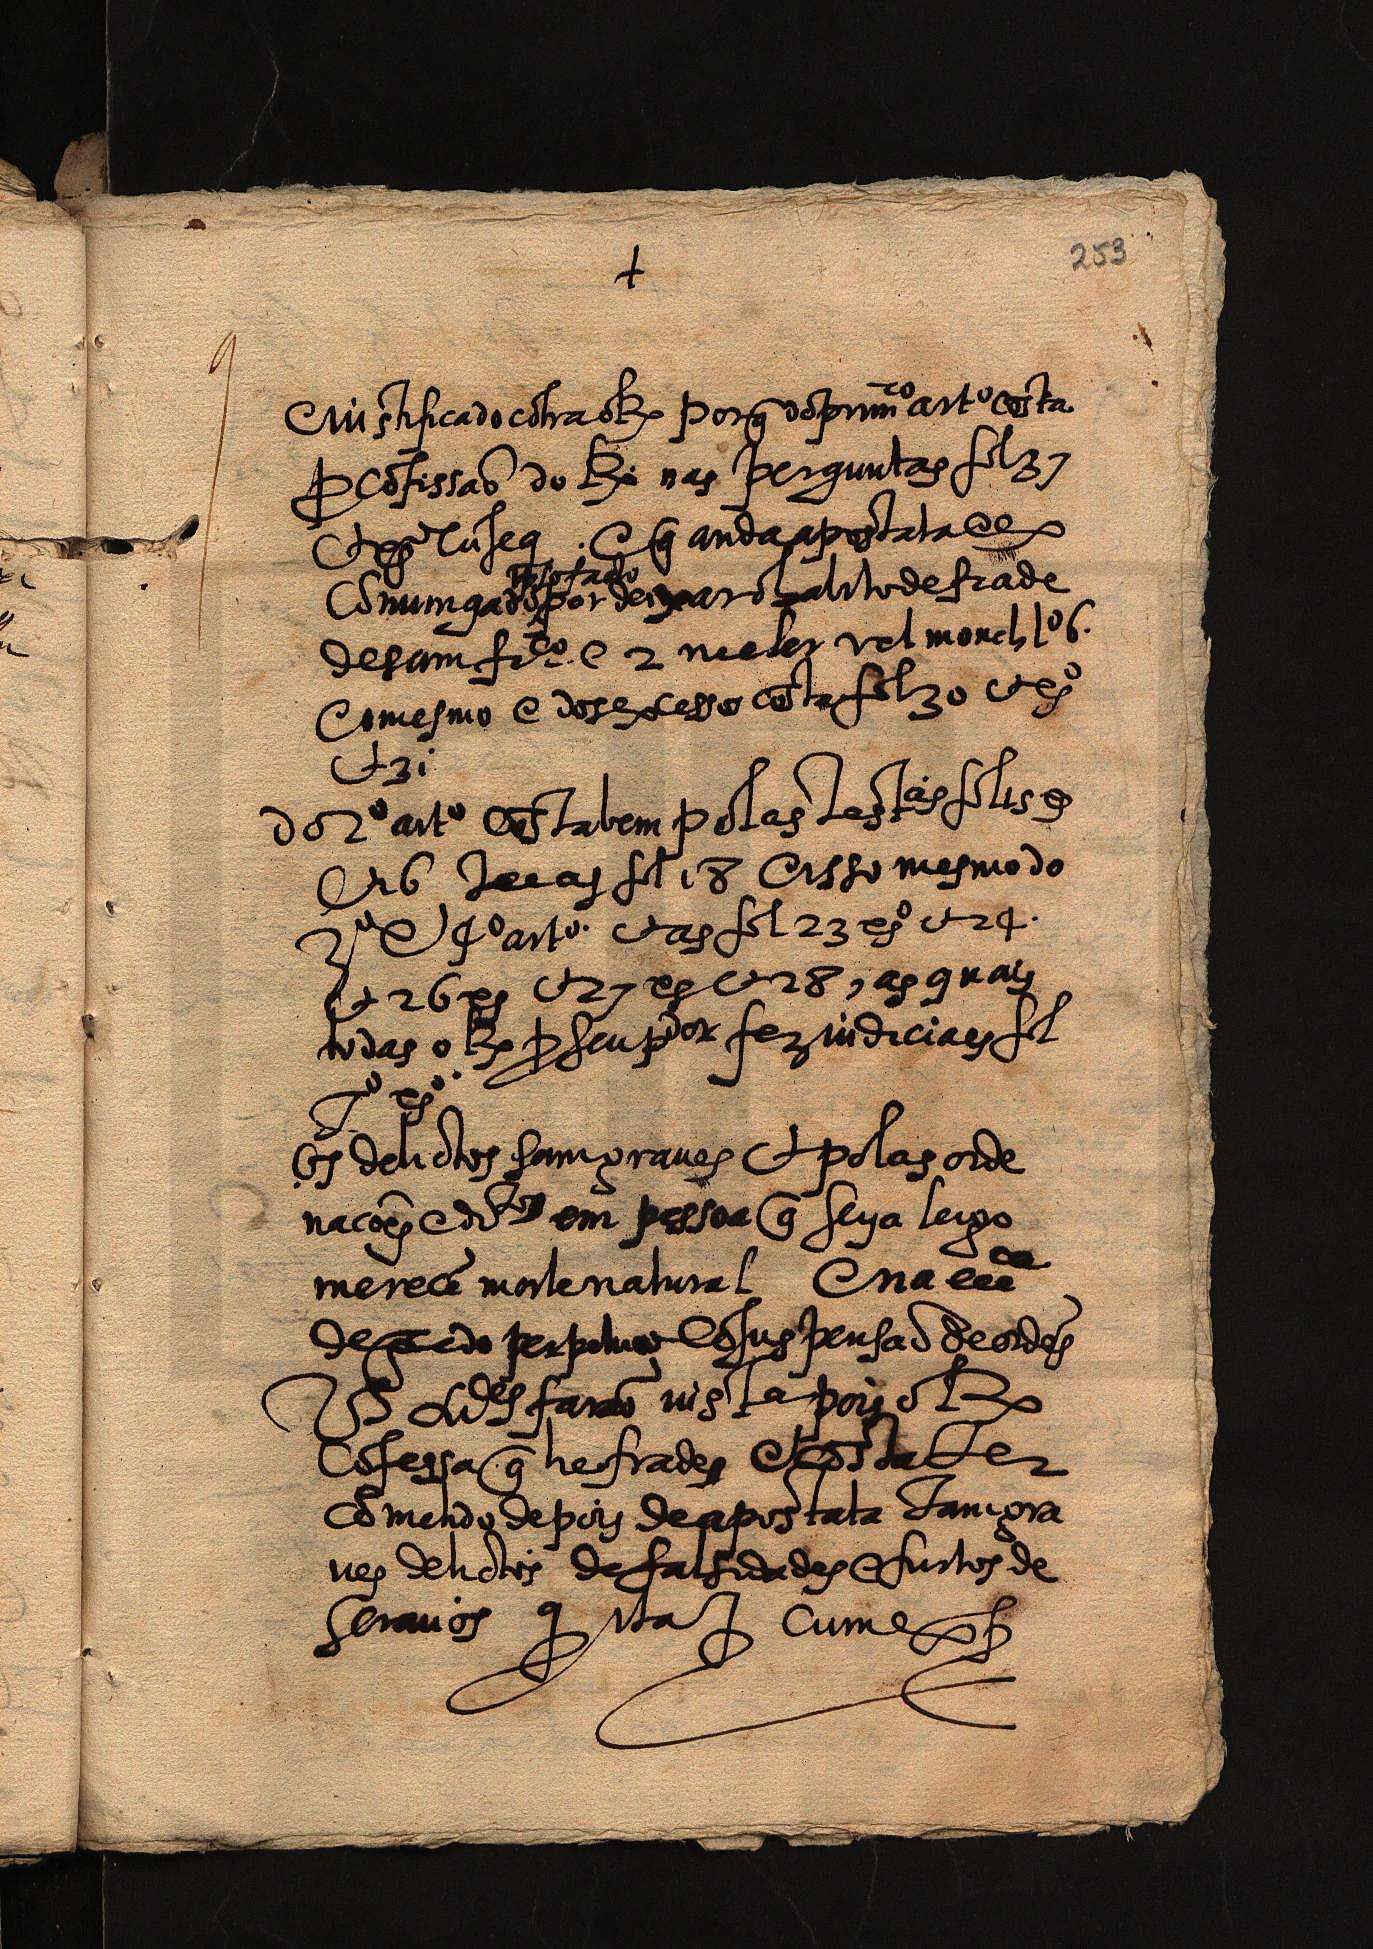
e iustificado cōtra o Rꝭ porq̄ do primro arto cos̄ta
ꝓ cōfissaõ do Rꝭ nas perguntas fol 37
& vso cōseꝗ. e q̄ anda apostata e ex
cōmungado
ipso facto
por deixar o habito de frade
de sam frco. e 2 ne cler vel monch lo 6.
e o mesmo e dos excessos cōsta fol 30 & vso
& 3i
do 2o arto cōsta bem polas testas fol 15 vs
& 6 tee as fol 18 e isto mesmo do
3o e 4o arto. & as fol 23 vso & 24.
& 26 vs & 27 vs & 28, as quais
todas o Rꝭ ꝓ seu pdor fez iudiciaes fol
7o vso
os delictos sam graues & polas orde
nações e drtos em pessoa q̄ seya leigo
merecē morte natural e na eccca
degredo perpetuo cō suspensaõ de ordēs
VS Sdes faraõ iusta pois o Rꝭ
cōfessa q̄ he frades e cōsta ter
cōmetido depois de apostata tam gra
ues delictos de falsidades e furtos de
scrauos ꝗ ita J cum exp
